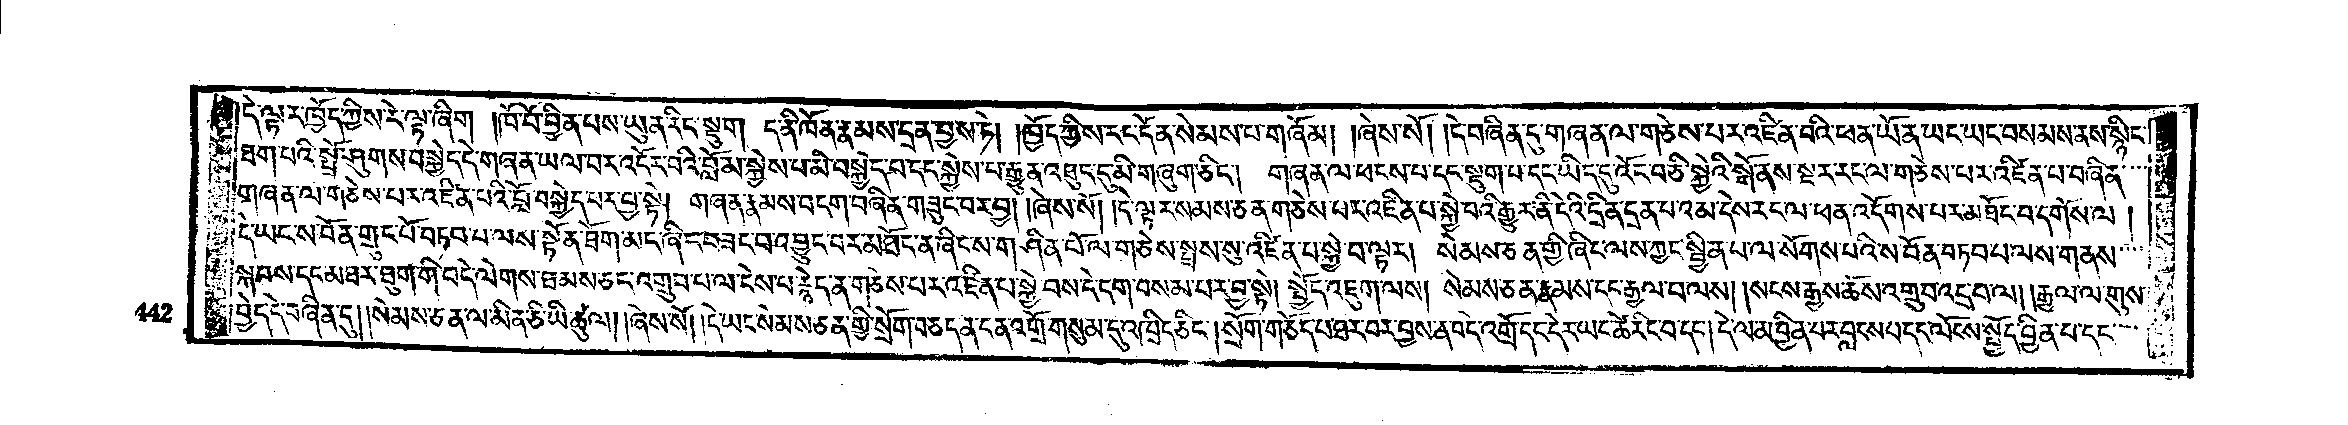དེ་ལྟར་ཁྱོད་ཀྱིས་རེ་ལྟ་ཞིག །ཁོ་བོ་བྱིན་པས་ཡུན་རིང་སྡུག །ད་ནི་ཁོན་རྣམས་དྲན་བྱས་ཏེ། །ཁྱོད་ཀྱིས་རང་དོན་སེམས་པ་གཞོམ། །ཞེས་སོ། །དེ་བཞིན་དུ་གཞན་ལ་གཅེས་པར་འཛིན་པའི་ཕན་ཡོན་ཡང་ཡང་བསམས་ནས་སྙིང་
ཐག་པའི་སྤྲོ་ཤུགས་བསྐྱེད་དེ་གཞན་ཡལ་བར་འདོར་བའི་བློ་མ་སྐྱེས་པ་མི་བསྐྱེད་པ་དང་སྐྱེས་པ་རྒྱུན་འཐུད་དུ་མི་གཞུག་ཅིང་། གཞན་ལ་ཕངས་པ་དང་སྡུག་པ་དང་ཡིད་དུ་འོང་བ་ཅི་སྐྱེའི་སྒོ་ནས་སྔར་རང་ལ་གཅེས་པར་འཛིན་པ་བཞིན་
གཞན་ལ་གཅེས་པར་འཛིན་པའི་བློ་བསྐྱེད་པར་བྱ་སྟེ། གཞན་རྣམས་བདག་བཞིན་གཟུང་བར་བྱ། །ཞེས་སོ། །དེ་ལྟར་སེམས་ཅན་གཅེས་པར་འཛིན་པ་སྐྱེ་བའི་རྒྱུར་ནི་དེའི་དྲིན་དྲན་བའམ་དེས་རང་ལ་ཕན་འདོགས་པར་མཐོང་བ་དགོས་ལ།
དེ་ཡང་ས་བོན་གྲུང་པོ་བཏབ་པ་ལས་སྟོན་ཐོག་མང་ཞིང་བཟང་བ་འབྱུང་བར་མཐོང་ན་ཞིང་ས་གཤིན་པོ་ལ་གཅེས་སྤྲས་སུ་འཛིན་པ་སྐྱེ་བ་ལྟར། སེམས་ཅན་གྱི་ཞིང་ལས་ཀྱང་སྦྱིན་པ་ལ་སོགས་པའི་ས་བོན་བཏབ་པ་ལས་གནས་
སྐབས་དང་མཐར་ཐུག་གི་བདེ་ལེགས་ཐམས་ཅད་འགྲུབ་པ་ལ་ངེས་པ་རྙེད་ན་གཅེས་པར་འཛིན་པ་སྐྱེ་བས་དེ་དག་བསམ་པར་བྱ་སྟེ། སྤྱོད་འཇུག་ལས། སེམས་ཅན་རྣམས་དང་རྒྱལ་བ་ལས། །སངས་རྒྱས་ཆོས་འགྲུབ་འདྲ་བ་ལ། །རྒྱལ་ལ་གུས་
བྱེད་དེ་བཞིན་དུ། །སེམས་ཅན་ལ་མིན་ཅི་ཡི་ཚུལ། །ཞེས་སོ། །དེ་ཡང་སེམས་ཅན་གྱི་སྲོག་བཅད་ན་ངན་འགྲོ་གསུམ་དུ་འཁྲིད་ཅིང་། སྲོག་གཅོད་པ་ཐར་བར་བྱས་ན་བདེ་འགྲོ་དང་དེར་ཡང་ཚེ་རིང་བ་དང་། དེ་ལ་མ་བྱིན་པར་བླངས་པ་དང་ལོངས་སྤྱོད་བྱིན་པ་དང་